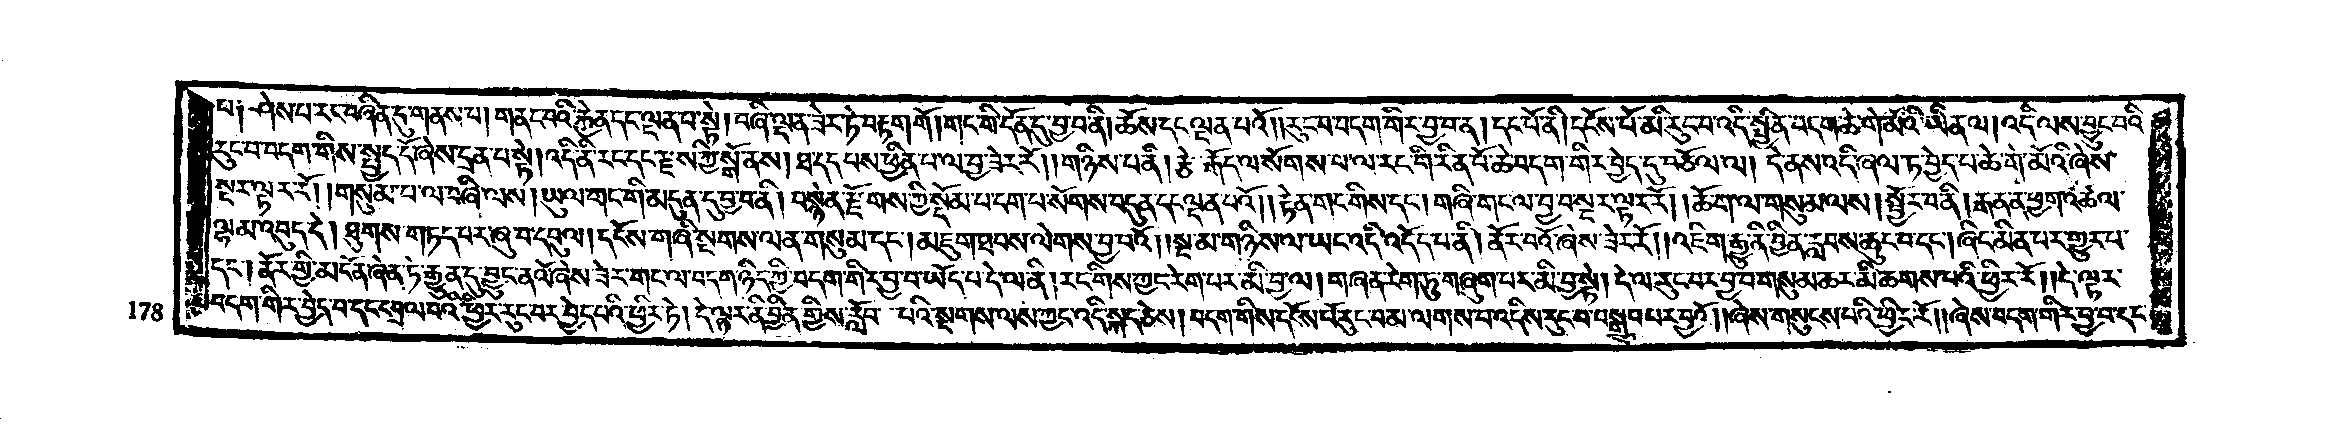པ། ཤེས་པ་རང་བཞིན་དུ་གནས་པ། གནང་བའི་རྐྱེན་དང་ལྡན་པ་སྟེ། བཞི་ལྡན་ཟེར་ཏེ་བརྟག་གོ། གང་གི་དོན་དུ་བྱ་བ་ནི། ཆོས་དང་ལྡན་པའོ། །རུང་བ་བདག་གིར་བྱ་བ་ན། དང་པོ་ནི། དངོས་པོ་མི་རུང་བ་འདི་སྦྱིན་བདག་ཆེ་གེ་མོའི་ཡིན་ལ། འདི་ལས་བྱུང་བའི་
རུང་བ་བདག་གིས་སྤྱད་དོ་ཞེས་དྲན་པ་སྟེ། འདི་ནི་རང་དང་རྫས་ཀྱི་སྒོ་ནས། ཐ་དད་པས་ཕྱིན་པ་ལ་བྱ་ཟེར་རོ། །གཉིས་པ་ནི། རྩེ་རྒོད་ལ་སོགས་པ་ལ་རང་གི་རིན་པོ་ཆེ་བདག་གིར་བྱེད་དུ་བཅོལ་ལ། དེ་ནས་འདི་ཞལ་ཏ་བྱེད་པ་ཆེ་གེ་མོའི་ཞེས་
སྔར་ལྟར་རོ། །གསུམ་པ་ལ་བཞི་ལས། ཡུལ་གང་གི་མདུན་དུ་བྱ་བ་ནི། བསྙེན་རྫོགས་ཀྱི་སྡོམ་པ་དག་པ་སོགས་བདུན་དང་ལྡན་པའོ། །རྟེན་གང་གིས་དང་། གཞི་གང་ལ་བྱ་བ་སྔར་ལྟར་རོ། །ཆོ་ག་ལ་གསུམ་ལས། སྦྱོར་བ་ནི། རྒན་ན་ཕྱག་འཚལ་
ལྷམ་འབུད་དེ། ཐུགས་གཏད་པར་ཞུ་བ་དབུལ། དངོས་གཞི་སྔགས་ལན་གསུམ་དང་། མཇུག་ཐབས་ལེགས་བྱ་བའོ། །སྔ་མ་གཉིས་ལ་ཡང་འདི་འདོད་པ་ནི། ནོར་བའོ་ཞེས་ཟེར་རོ། །འཇིག་རྒྱུ་ནི་བྱིན་རླབས་ཆུང་བ་དང་། ཞིང་མིན་པར་གྱུར་པ་
དང་། ནོར་གྱི་མངོན་ཞེན་ཏེ་རྒྱུན་དུ་བྱུང་ནའོ་ཞེས་ཟེར་གང་ལ་བདག་ཉིད་ཀྱི་བདག་གིར་བྱ་བ་ཡོད་པ་དེ་ལ་ནི། རང་གིས་ཀྱང་རེག་པར་མི་བྱ་ལ། གཞན་རེག་ཏུ་གཞུག་པར་མི་བྱ་སྟེ། དེ་ལ་རུང་བར་བྱ་བ་གསུམ་ཆར་མི་ཆགས་པའི་ཕྱིར་རོ། །དེ་ལྟར་
བདག་གིར་བྱེད་བ་དང་འབྲལ་བའི་ཕྱིར་རུང་བར་བྱེད་པའི་ཕྱིར་ཏེ། དེ་ལྟར་ནི་བྱིན་གྱིས་རློབ་པའི་སྔགས་ལས་ཀྱང་འདི་སྐད་ཅེས། བདག་གིས་དངོས་པོ་རུང་བ་མ་ལགས་པ་འདིས་རུང་བ་བསྒྲུབ་པར་བྱའོ། །ཞེས་གསུངས་པའི་ཕྱིར་རོ། །ཞེས་བདག་གིར་བྱ་བ་དང་